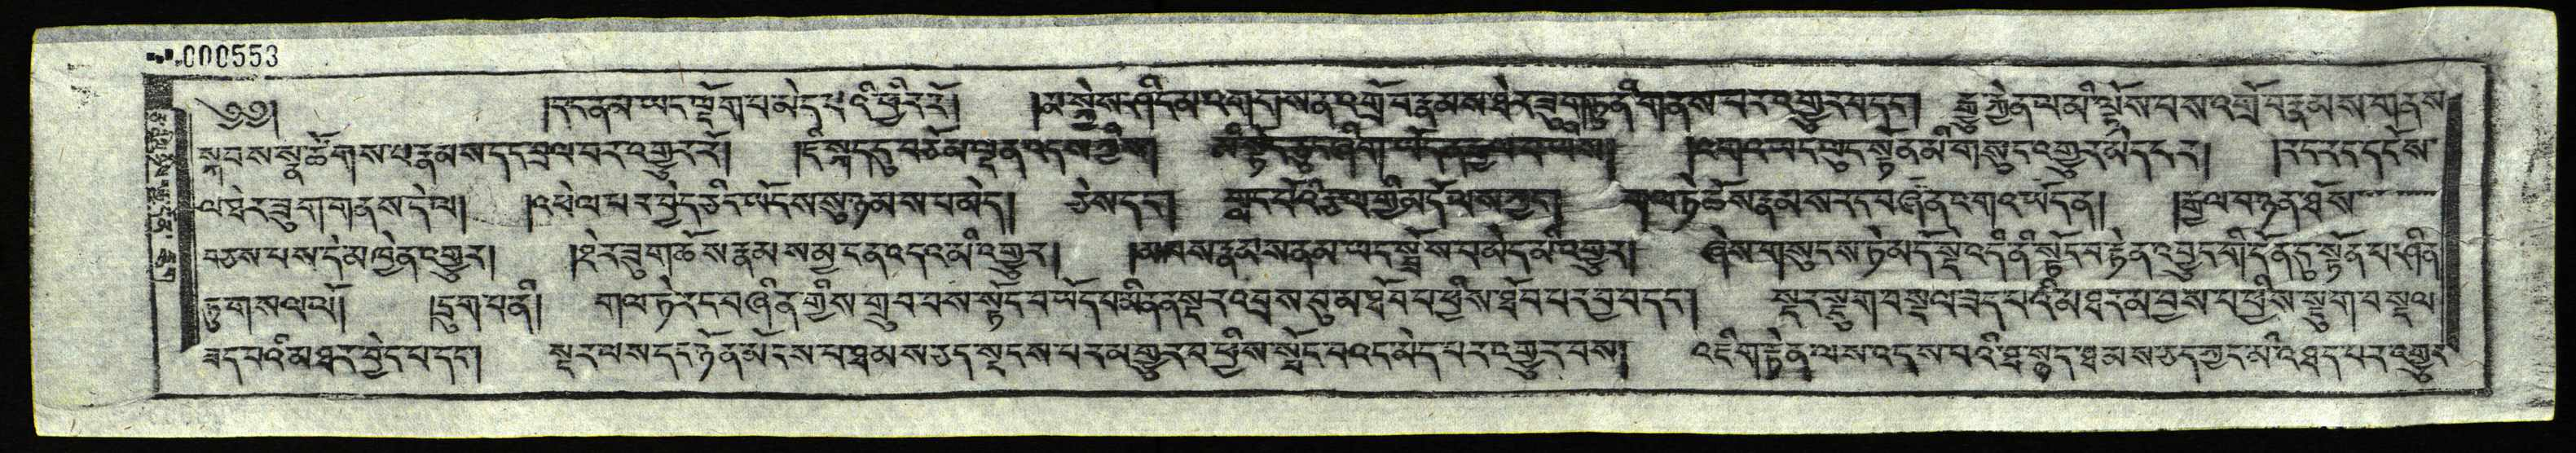༄༅། །དང་ནམ་ཡང་ལྡོག་པ་མེད་པའི་ཕྱིར་རོ། །མ་སྐྱེས་ཤིང་མ་འགགས་ན་འགྲོ་བ་རྣམས་ཐེར་ཟུག་ཏུ་ནི་གནས་བར་འགྱུར་བ་དང་། རྒྱུ་རྐྱེན་ལ་མི་ལྟོས་པས་འགྲོ་བ་རྣམས་གནས་
སྐབས་སྣ་ཚོགས་པ་རྣམས་དང་བྲལ་བར་འགྱུར་རོ། །ཇི་སྐད་དུ་བཅོམ་ལྡན་འདས་ཀྱིས། མི་སྟོང་ཅུང་ཞིག་ཡོད་ན་རྒྱལ་བ་ཡིས། །འགའ་ཡང་ལུང་སྟོན་མི་གསུང་འགྱུར་མེད་པར། །རང་རང་དངོས་
ལ་ཐེར་ཟུག་གནས་དེ་ལ། །འཕེལ་པར་བྱེད་ཅིང་ཡོངས་སུ་ཉམས་པ་མེད། ཅེས་དང་། གླང་པོའི་རྩལ་གྱི་མདོ་ལས་ཀྱང་། གལ་ཏེ་ཆོས་རྣམས་རང་བཞིན་འགའ་ཡོད་ན། །རྒྱལ་བ་ཉན་ཐོས་
བཅས་པས་དེ་མཁྱེན་འགྱུར། །ཐེར་ཟུག་ཆོས་རྣམས་མྱ་ངན་འདའ་མི་འགྱུར། །མཁས་རྣམས་ནམ་ཡང་སྤྲོས་པ་མེད་མི་འགྱུར། ཞེས་གསུངས་ཏེ་མདོ་སྡེ་འདི་ནི་སྟོང་བ་རྟེན་འབྱུང་གི་དོན་དུ་སྟོན་པ་ཤིན་
ཏུ་གསལ་ལོ། །དྲུག་པ་ནི། གལ་ཏེ་རང་བཞིན་གྱིས་གྲུབ་པས་སྟོང་བ་ཡོད་བ་མིན་ན་སྔར་འབྲས་བུ་མ་ཐོབ་པ་ཕྱིས་ཐོབ་པར་བྱ་བ་དང་། སྔར་སྡུག་བསྔལ་ཟད་པའི་མཐར་མ་བྱས་པ་ཕྱིས་སྡུག་བསྔལ་
ཟད་པའི་མཐར་བྱེད་པ་དང་། སྔར་ལས་དང་ཉོན་མོངས་པ་ཐམས་ཅད་སྤངས་པར་མ་གྱུར་བ་ཕྱིས་སྤོང་བའང་མེད་པར་འགྱུར་བས། འཇིག་རྟེན་ལས་འདས་པའི་ཐ་སྙད་ཐམས་ཅད་ཀྱང་མི་འཐད་པར་འགྱུར་